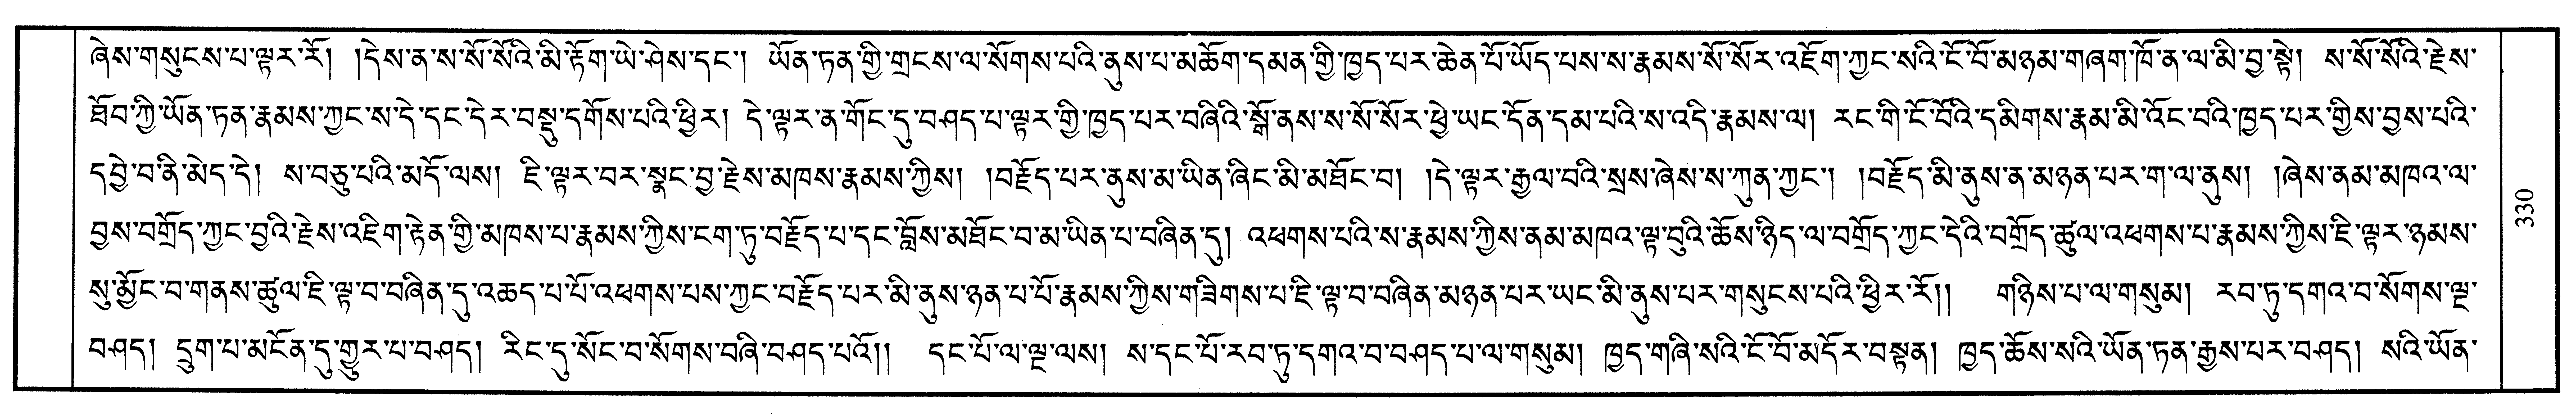ཞེས་གསུངས་པ་ལྟར་རོ། །དེས་ན་ས་སོ་སོའི་མི་རྟོག་ཡེ་ཤེས་དང་། ཡོན་ཏན་གྱི་གྲངས་ལ་སོགས་པའི་ནུས་པ་མཆོག་དམན་གྱི་ཁྱད་པར་ཆེན་པོ་ཡོད་པས་ས་རྣམས་སོ་སོར་འཇོག་ཀྱང་སའི་ངོ་བོ་མཉམ་གཞག་ཁོ་ན་ལ་མི་བྱ་སྟེ། ས་སོ་སོའི་རྗེས་
ཐོབ་ཀྱི་ཡོན་ཏན་རྣམས་ཀྱང་ས་དེ་དང་དེར་བསྡུ་དགོས་པའི་ཕྱིར། དེ་ལྟར་ན་གོང་དུ་བཤད་པ་ལྟར་གྱི་ཁྱད་པར་བཞིའི་སྒོ་ནས་ས་སོ་སོར་ཕྱེ་ཡང་དོན་དམ་པའི་ས་འདི་རྣམས་ལ། རང་གི་ངོ་བོའི་དམིགས་རྣམ་མི་འོང་བའི་ཁྱད་པར་གྱིས་བྱས་པའི་
དབྱེ་བ་ནི་མེད་དེ། ས་བཅུ་པའི་མདོ་ལས། ཇི་ལྟར་བར་སྣང་བྱ་རྗེས་མཁས་རྣམས་ཀྱིས། །བརྗོད་པར་ནུས་མ་ཡིན་ཞིང་མི་མཐོང་བ། །དེ་ལྟར་རྒྱལ་བའི་སྲས་ཞེས་ས་ཀུན་ཀྱང་། །བརྗོད་མི་ནུས་ན་མཉན་པར་ག་ལ་ནུས། །ཞེས་ནམ་མཁའ་ལ་
བྱས་བགྲོད་ཀྱང་བྱའི་རྗེས་འཇིག་རྟེན་གྱི་མཁས་པ་རྣམས་ཀྱིས་ངག་ཏུ་བརྗོད་པ་དང་བློས་མཐོང་བ་མ་ཡིན་པ་བཞིན་དུ། །འཕགས་པའི་ས་རྣམས་ཀྱིས་ནམ་མཁའ་ལྟ་བུའི་ཆོས་ཉིད་ལ་བགྲོད་ཀྱང་དེའི་བགྲོད་ཚུལ་འཕགས་པ་རྣམས་ཀྱིས་ཇི་ལྟར་ཉམས་
སུ་མྱོང་བ་གནས་ཚུལ་ཇི་ལྟ་བ་བཞིན་དུ་འཆད་པ་པོ་འཕགས་པས་ཀྱང་བརྗོད་པར་མི་ནུས་ཉན་པ་པོ་རྣམས་ཀྱིས་གཟིགས་པ་ཇི་ལྟ་བ་བཞིན་མཉན་པར་ཡང་མི་ནུས་པར་གསུངས་པའི་ཕྱིར་རོ། །གཉིས་པ་ལ་གསུམ། རབ་ཏུ་དགའ་བ་སོགས་ལྔ་
བཤད། དྲུག་པ་མངོན་དུ་གྱུར་པ་བཤད། རིང་དུ་སོང་བ་སོགས་བཞི་བཤད་པའོ།། དང་པོ་ལ་ལྔ་ལས། ས་དང་པོ་རབ་ཏུ་དགའ་བ་བཤད་པ་ལ་གསུམ། ཁྱད་གཞི་སའི་ངོ་བོ་མདོར་བསྟན། ཁྱད་ཆོས་སའི་ཡོན་ཏན་རྒྱས་པར་བཤད། སའི་ཡོན་